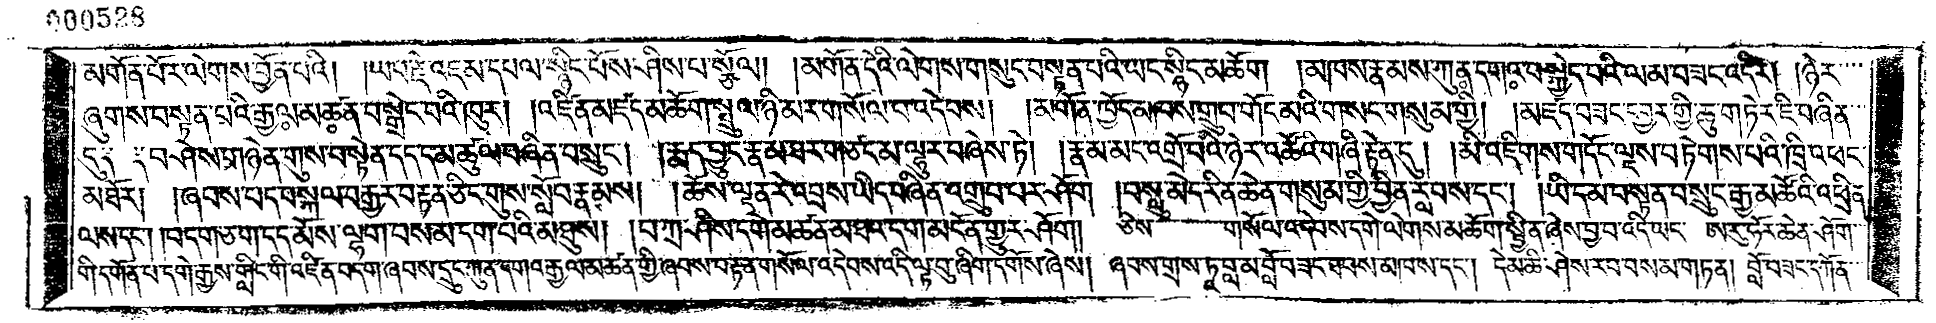མགོན་པོར་ལེགས་བྱོན་པའི། །ཡབ་རྗེ་འཇམ་དཔལ་སྙིང་པོས་ཤིས་པ་སྩོལ། །མགོན་དེའི་ལེགས་གསུང་བསྟན་པའི་ཡང་སྙིང་མཆོག །མཁས་རྣམས་ཀུན྾་དགའ྾་བསྐྱེད་པའི་ལམ་བཟང་འདིར། །ཉེར་
ཞུགས་བསྟན་པའི་རྒྱལ྾་མཚན྾་བསྒྲེང་བའི་ཁུར། །འཛིན་མཛད་མཆོག་སྤྲུལ་ཉི་མར་གསོལ་བ་འདེབས། །མགོན་ཁྱོད་མཁས་གྲུབ་གོང་མའི་གསང་གསུམ་གྱི། །མཛད་བཟང་དབྱར་གྱི་ཆུ་གཏེར་ཇི་བཞིན་
དུ༑ ༑བཤེས་གཉེན་གུས་བསྟེན་དད་དམ་ཚུལ་བཞིན་བསྲུང་། །རྨད་བྱུང་རྣམ་ཐར་གཙང་མ་ལྷུར་བཞེས་ཏེ། །རྣམ་མང་འགྲོ་བའི་ཉེར་འཚོའི་གཞི་རྟེན་དུ། །མི་འཇིགས་གདོང་ལྔས་བཏེགས་པའི་ཁྲི་འཕང་
མཐོར། །ཞབས་པད་བསྐལ་བརྒྱར་བརྟན་ཅིང་གུས་སློབ་རྣམས། །ཆོས་ལྡན་རེ་འབྲས་ཡིད་བཞིན་འགྲུབ་པར་ཤོག །བསླུ་མེད་རིན་ཆེན་གསུམ་གྱི་བྱིན་རླབས་དང་། །ཡི་དམ་བསྟན་བསྲུང་རྒྱ་མཚོའི་འཕྲིན་
ལས་དང་། །བདག་ཅག་དད་མོས་ལྷག་བསམ་དག་པའི་མཐུས། །བཀྲ་ཤིས་དགེ་མཚན་མཐའ་དག་མངོན་གྱུར་ཤོག ། ཅེས་གསོལ་འདེབས་དགེ་ལེགས་མཆོག་སྦྱིན་ཞེས་བྱ་བ་འདི་ཡང་ཨ་རུ་ཧོར་ཆེན་ཤོག་
གི་དགོན་པ་དགེ་རྒྱས་གླིང་གི་འཛིན་བདག་ཞབས་དྲུང་ཀུན་དགའ་རྒྱལ་མཚན་གྱི་ཞབས་བརྟན་གསོལ་འདེབས་འདི་ལྟ་བུ་ཞིག་དགོས་ཞེས། ཞབས་གྲས་ཏཱ་བླ་མ་བློ་བཟང་ཐབས་མཁས་དང་། དེམ་ཆི་ཤེས་རབ་བསམ་གཏན། བློ་བཟང་དཀོན་